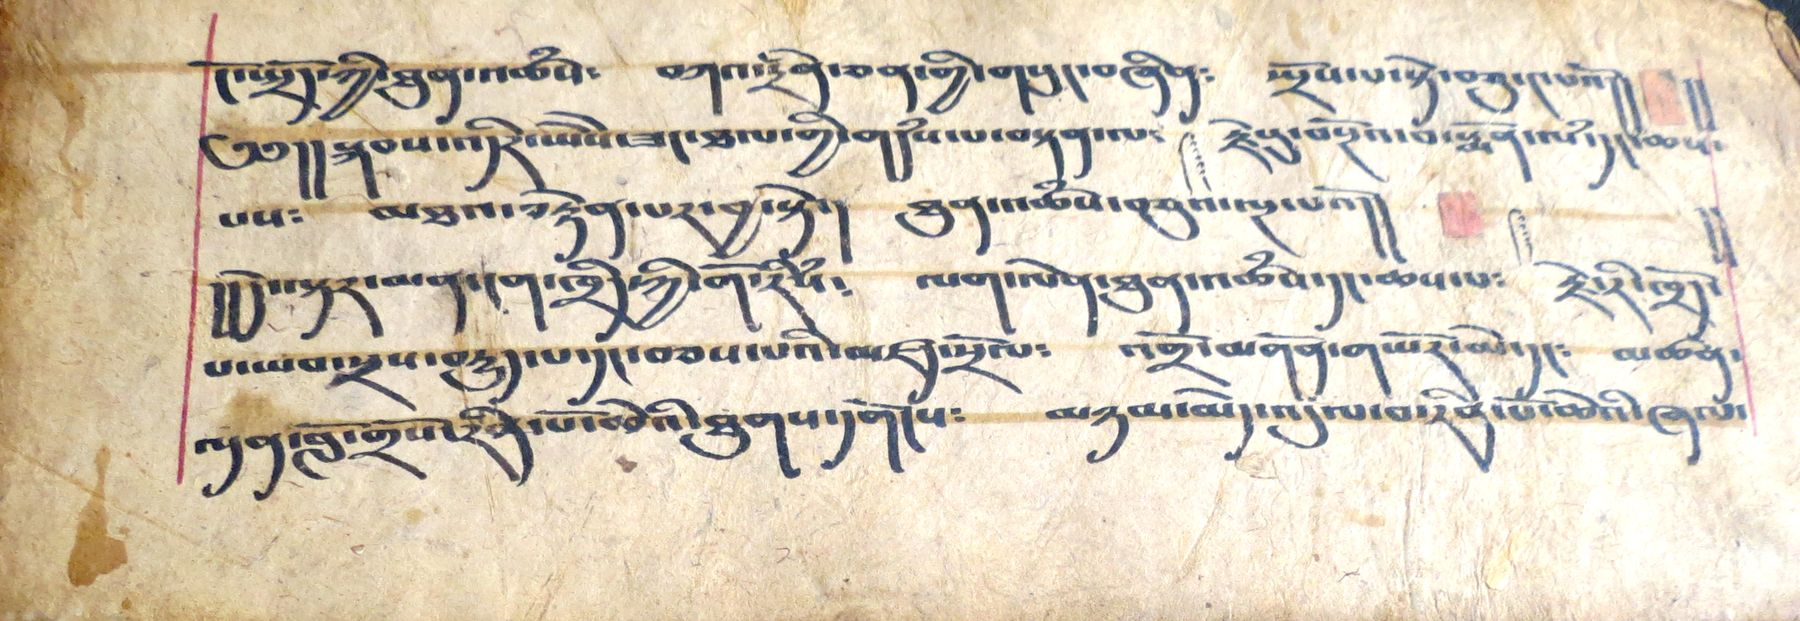ངོ་སྤྲོད་ཀྱི་ཐུན་མཚམས། བཀའ་དྲིན་ཅན་གྱི་གསུངས་བཞིན། སྤྲོས་པ་སྟེ་བཅུ་བཞི་པའོ། ། 
སྐབས་འདིར་ཡེ་ཤེས་ཟང་ཐལ་གྱིས་གདམས་པ་བསྟན་ལ། རྗེས་སུ་བསྔོ་བ་སྨོན་ལམ་དང་ཆས་
པ། མཐའ་བརྟེན་པར་བྱས་ཏེ། ཐུན་མཚམས་བཅོ་ལྔ་པའོ། ། 
དེ་ལྟར་མན་ངག་ཁྲིད་ཀྱི་གོ་རིམ། ལག་ལེན་ཐུན་མཚམས་དང་བཅས་པ་འདི་ནི། རྗེ་རི་ཁྲོད་
པ་ཡབ་སྲས་བརྒྱུད་པ་དང་བཅས་པའི་མཛད་སྲོལ། འགྲོ་མགོན་གཡོར་མེ་དང་། མཚན་
ལྡན་བློ་གྲོས་རིན་པོ་ཆེའི་ཐུགས་དགོངས། མཉམ་མེད་འདུལ་བ་རིན་པོ་ཆེའི་ཞལ་